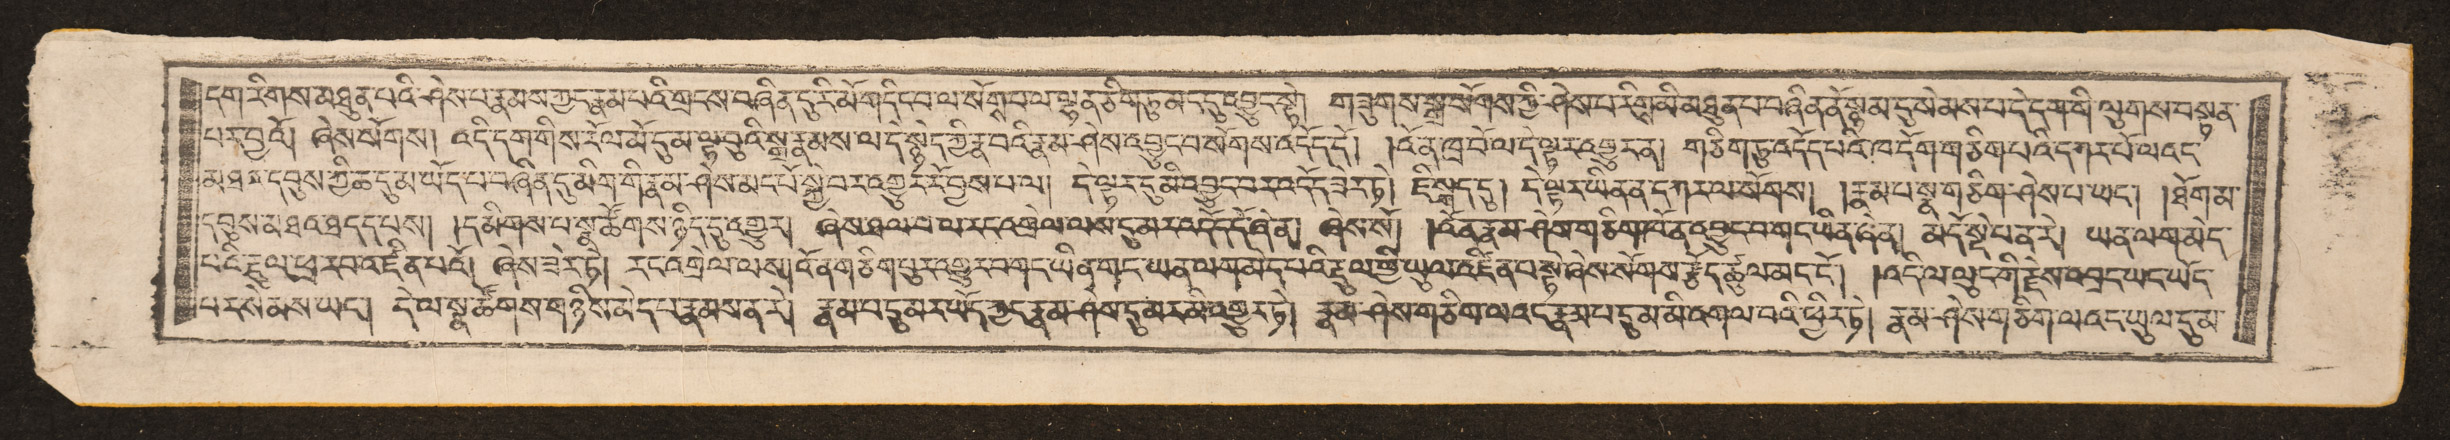དག་རིགས་མཐུན་པའི་ཤེས་པ་རྣམས་ཀྱང་རྣམ་པའི་གྲངས་བཞིན་དུ་རི་མོ་གདིང་བ་ལ་སོགས་པ་ལ་ལྷན་ཅིག་ཏུ་མང་དུ་འབྱུང་སྟེ། གཟུགས་སྒྲ་སོགས་ཀྱི་ཤེས་པ་རིགས་མི་མཐུན་པ་བཞིན་ནོ་སྙམ་དུ་སེམས་པ་དེ་དག་གི་ལུགས་བསྟན་
པར་བྱའོ། ཞེས་སོགས། འདི་དག་གིས་རོལ་མོ་དུ་མ་ལྟ་བུའི་སྒྲ་རྣམས་ལ་དེ་སྙེད་ཀྱི་རྣ་བའི་རྣམ་ཤེས་འབྱུང་བ་སོགས་འདོད་དོ། །འོ་ན་ཁྲ་བོ་ལ་དེ་ལྟར་འགྱུར་ན། གཅིག་ཏུ་འདོད་པའི་ཁ་དོག་གཅིག་པའི་དཀར་པོ་ལའང་
མཐའ་དབུས་ཀྱི་ཆ་དུ་མ་ཡོད་པ་བཞིན་དུ་མིག་གི་རྣམ་ཤེས་མང་པོ་སྐྱེ་བར་འགྱུར་རོ་བྱས་པ་ལ། དེ་ལྟར་དུ་མི་འབྱུང་བར་འདོད་ཟེར་ཏེ། ཇི་སྐད་དུ། དེ་ལྟར་ཡིན་ན་དཀར་ལ་སོགས། །རྣམ་པ་སྣ་གཅིག་ཤེས་པ་ཡང་། །ཐོག་མ་
དབུས་མཐའ་ཐ་དད་པས། །དམིགས་པ་སྣ་ཚོགས་ཉིད་དུ་འགྱུར། ཞེས་ཐལ་བ་ལ་རང་འགྲེལ་ལས་དུ་མར་འདོད་དོ་ཞེ་ན། ཞེས་སོ། །འོ་ན་རྣམ་ཤེས་གཅིག་ཁོ་ན་འབྱུང་བ་གང་ཡིན་ཞེ་ན། མདོ་སྡེ་པ་ན་རེ། ཡན་ལག་མེད་
པའི་རྡུལ་ཕྲ་རབ་འཛིན་པའོ། ཞེས་ཟེར་ཏེ། རང་འགྲེལ་ལས། འོ་ན་གཅིག་པུར་འགྱུར་བ་གང་ཡིན་གང་ཡན་ལག་མེད་པའི་རྡུལ་གྱི་ཡུལ་འཛིན་པ་སྟེ་ཞེས་སོགས་རྩོད་ཚུལ་མང་ངོ། །འདི་ལ་ལུང་གི་རྗེས་འབྲང་ཡང་ཡོད་
བར་སེམས་ཡང་། དེ་ལ་སྣ་ཚོགས་གཉིས་མེད་པ་རྣམས་ན་རེ། རྣམ་པ་དུ་མར་ཡོད་ཀྱང་རྣམ་ཤེས་དུ་མར་མི་འགྱུར་ཏེ། རྣམ་ཤེས་གཅིག་ལའང་རྣམ་པ་དུ་མ་མི་འགལ་བའི་ཕྱིར་ཏེ། རྣམ་ཤེས་གཅིག་ལའང་ཡུལ་དུ་མ་